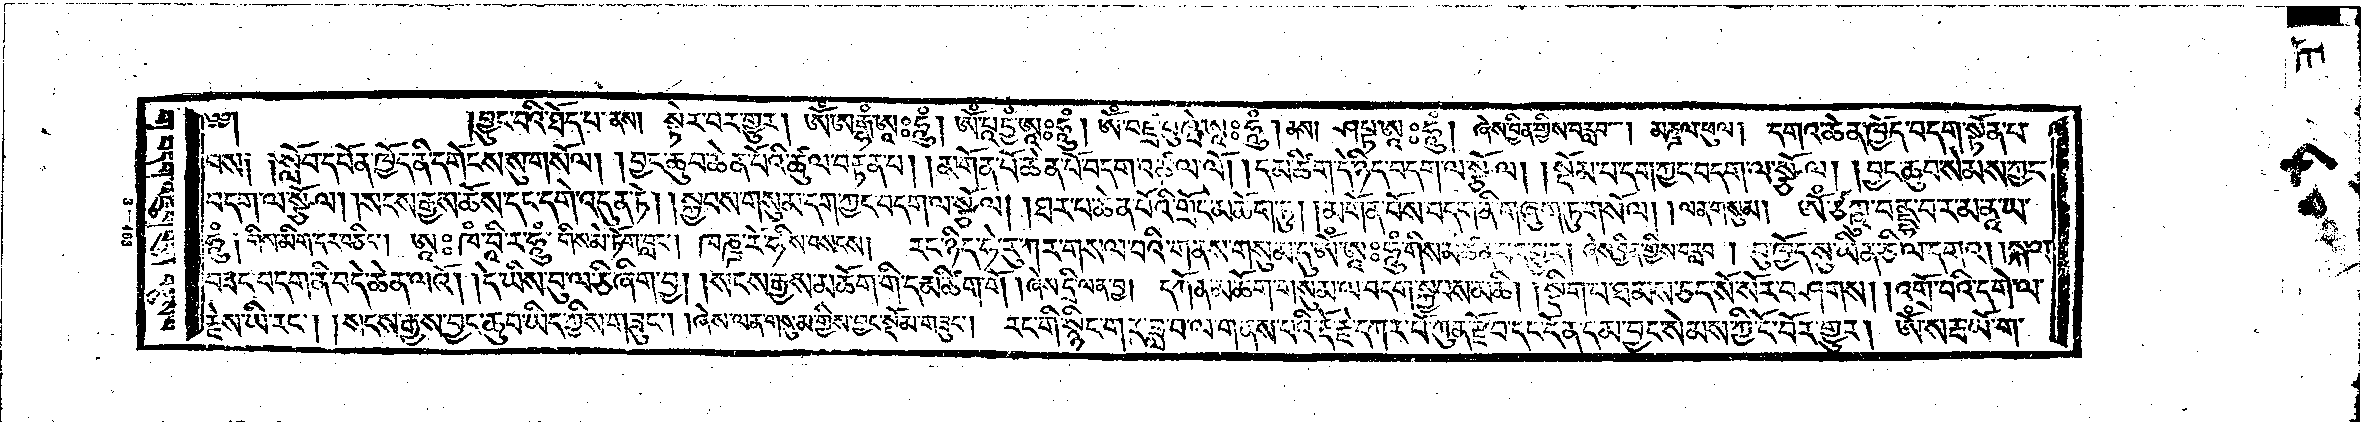༄༅། །བྱུང་བའི་ཐོད་པ་ནས།  སྟེར་བར་གྱུར། ཨོཾ་ཨརྒྷཾ་ཨཱཿཧཱུཾ། ཨོཾ་པཱ་དྱཾ་ཨཱཿཧཱུཾ། ཨོཾ་བཛྲ་པུཥྤེ་ཨཱཿཧཱུཾ་ནས།  ཤཔྟ་ཨཱཿཧཱུཾ། ཞེས་བྱིན་གྱིས་བརླབ། མཎྜལ་ཕུལ།  དགའ་ཆེན་ཁྱོད་བདག་སྟོན་པ་
བས༑ ༑སློབ་དཔོན་ཁྱོད་ནི་དགོངས་སུ་གསོལ། །བྱང་ཆུབ་ཆེན་པོའི་ཚུལ་བརྟན་པ། །མགོན་པོ་ཆེན་པོ་བདག་འཚལ་ལོ། །དམ་ཚིག་དེ་ཉིད་བདག་ལ་སྩོལ། །སྡོམ་པ་དག་ཀྱང་བདག་ལ་སྩོལ། །བྱང་ཆུབ་སེམས་ཀྱང་
བདག་ལ་སྩོལ། །སངས་རྒྱས་ཆོས་དང་དགེ་འདུན་ཏེ། །སྐྱབས་གསུམ་དག་ཀྱང་བདག་ལ་སྩོལ། །ཐར་པ་ཆེན་པོའི་གྲོང་མཆོག་ཏུ། །མགོན་པོས་བདག་ནི་གཞུག་ཏུ་གསོལ། །ལན་གསུམ།  ཨོཾ་ཙཀྵུ་བནྡྷ་བ་ར་མ་ནཱ་ཡ་
ཧཱུཾ་༑གིས་མིག་དར་བཅིང་།  ཨཱཿཁཾ་བཱི་ར་ཧཱུཾ་གིས་མེ་ཏོག་བླང་།  ཁཎྜ་རོ་ཧི་ས་བསངས།  རང་ཉིད་ཧེ་རུ་ཀ་ར་གསལ་བའི་གནས་གསུམ་དུ་ཨོཾ་ཨཱཿཧཱུཾ་གིས་མཚན་པར་གྱུར། ཞེས་བྱིན་གྱིས་བརླབ།  བུ་ཁྱོད་སུ་ཡིན་ཅི་ལ་དགའ། །སྐལ་
བཟང་བདག་ནི་བདེ་ཆེན་ལའོ། །དེ་ཡིས་བུ་ལ་ཅི་ཞིག་བྱ། །སངས་རྒྱས་མཆོག་གི་དམ་ཚིག་གོ་།ཞེས་དྲི་ལན་བྱ།  དཀོན་མཆོག་གསུམ་ལ་བདག་སྐྱབས་མཆི། །སྡིག་པ་ཐམས་ཅད་སོ་སོར་བཤགས། །འགྲོ་བའི་དགེ་ལ་
རྗེས་ཡི་རང་། །སངས་རྒྱས་བྱང་ཆུབ་ཡིད་ཀྱིས་གཟུང་། །ཞེས་ལན་གསུམ་གྱིས་བྱང་སྡོམ་གཟུང་།  རང་གི་སྙིང་གར་ཟླ་བ་ལ་གནས་པའི་རྡོ་རྗེ་དགར་པོ་ཀུན་རྫོབ་དང་དོན་དམ་བྱང་སེམས་ཀྱི་ངོ་བོར་གྱུར། ཨོཾ་སརྦ་ཡོ་ག་